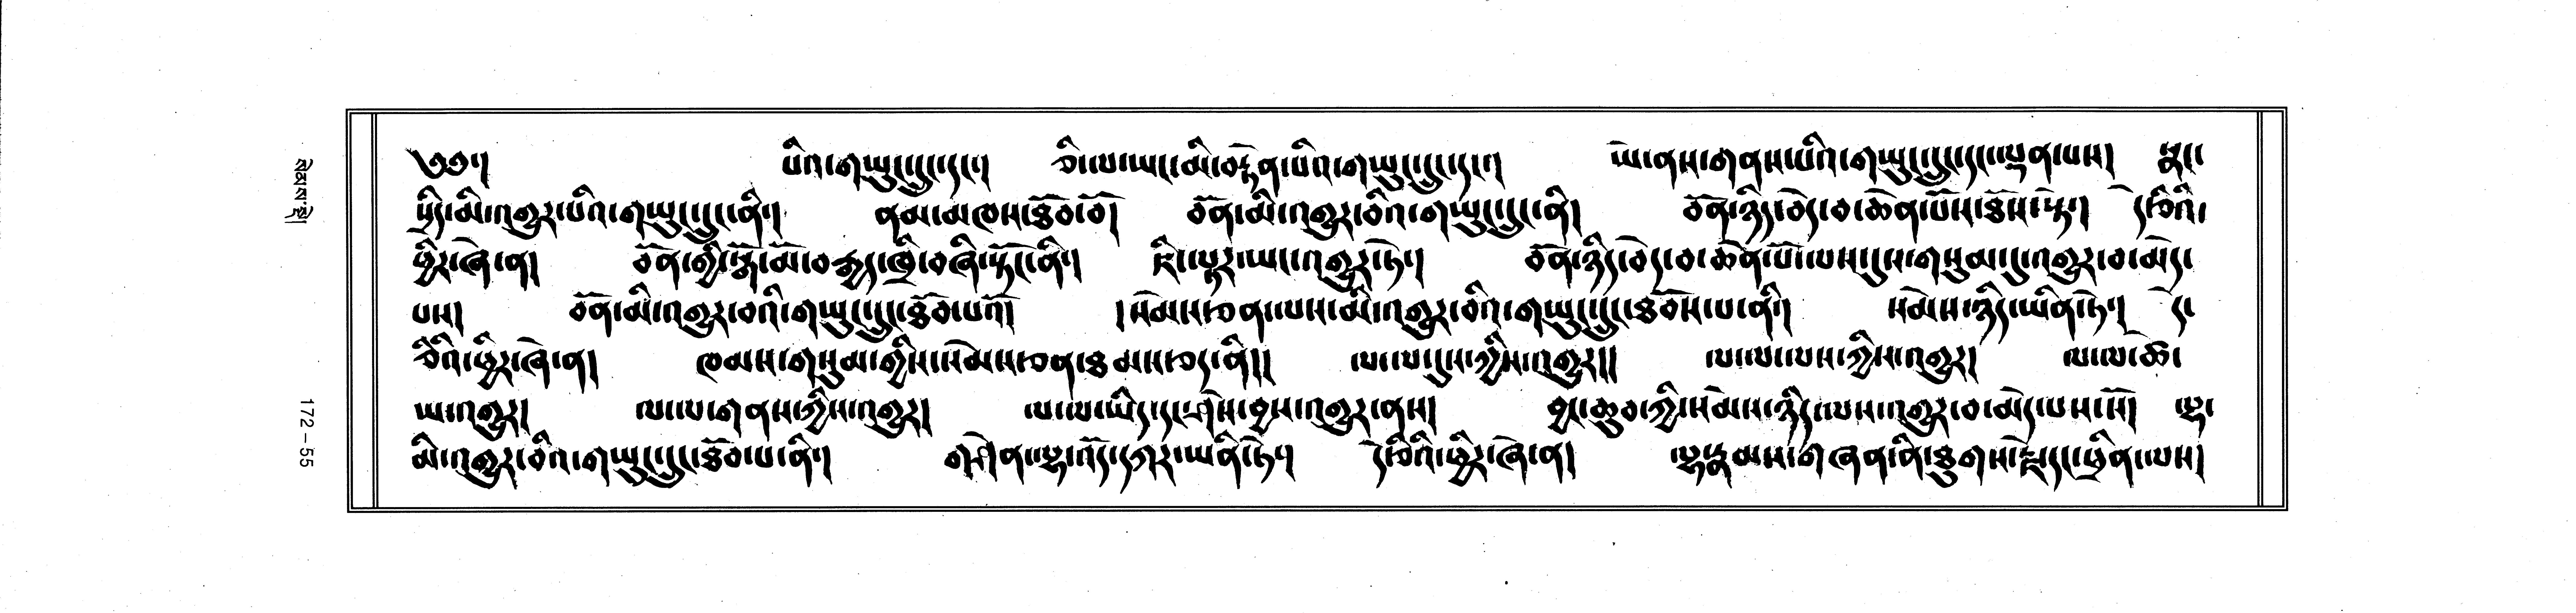པའི་གཡུང་དྲུང་དང་། ཅི་ལ་ཡང་མི་བརྟེན་པའི་གཡུང་དྲུང་དང་། ཡེ་ནས་གནས་པའི་གཡུང་དྲུང་དང་ལྡན་པས། སྣང་
སྲིད་མི་འགྱུར་པའི་གཡུང་དྲུང་ནི། ནམ་མཁས་ཐོབ་བོ། བོན་མི་འགྱུར་བའི་གཡུང་དྲུང་ནི། བོན་ཉིད་བདེ་བ་ཆེན་པོས་ཐོས་སྟེ། དེ་ཅིའི་
ཕྱིར་ཞེ་ན། བོན་གྱི་སྒོ་མོ་བརྒྱད་ཁྲི་བཞི་སྟོང་ནི། ཇི་ལྟར་ཡང་འགྱུར་ཏེ། བོན་ཉིད་བདེ་བ་ཆེན་པོ་ལས་དུས་གསུམ་དུ་འགྱུར་བ་མེད་
པས། བོན་མི་འགྱུར་བའི་གཡུང་དྲུང་ཐོབ་པའོ། སེམས་ཅན་ལས་མི་འགྱུར་བའི་གཡུང་དྲུང་ཐོབས་པ་ནི། སེམས་ཉིད་ཡིན་ཏེ། དེ་
ཅིའི་ཕྱིར་ཞེ་ན། ཁམས་གསུམ་གྱིས་སེམས་ཅན་ཐམས་ཅད་ནི། ལ་ལ་དུས་ཀྱིས་འགྱུར། ལ་ལ་ལས་ཀྱིས་འགྱུར། ལ་ལ་ཚེ་
ཡི་འགྱུར། ལ་ལ་གནས་ཀྱིས་འགྱུར། ལ་ལ་ཡིད་དང་ཤེས་བྱས་འགྱུར་ནས། བྱང་ཆུབ་ཀྱིས་ཀྱི་སེམས་ཉིད་ལས་འགྱུར་བ་མེད་པས་སོ། ལྷ་
མི་འགྱུར་བའི་གཡུང་དྲུང་ཐོབས་པ་ནི། གཤེན་ལྷ་འོད་དཀར་ཡིན་ཏེ། དེ་ཅིའི་ཕྱིར་ཞེ་ན། ལྷ་རྣམས་གཞན་ནི་ཐུགས་རྗེ་དང་ཕྲིན་ལས།